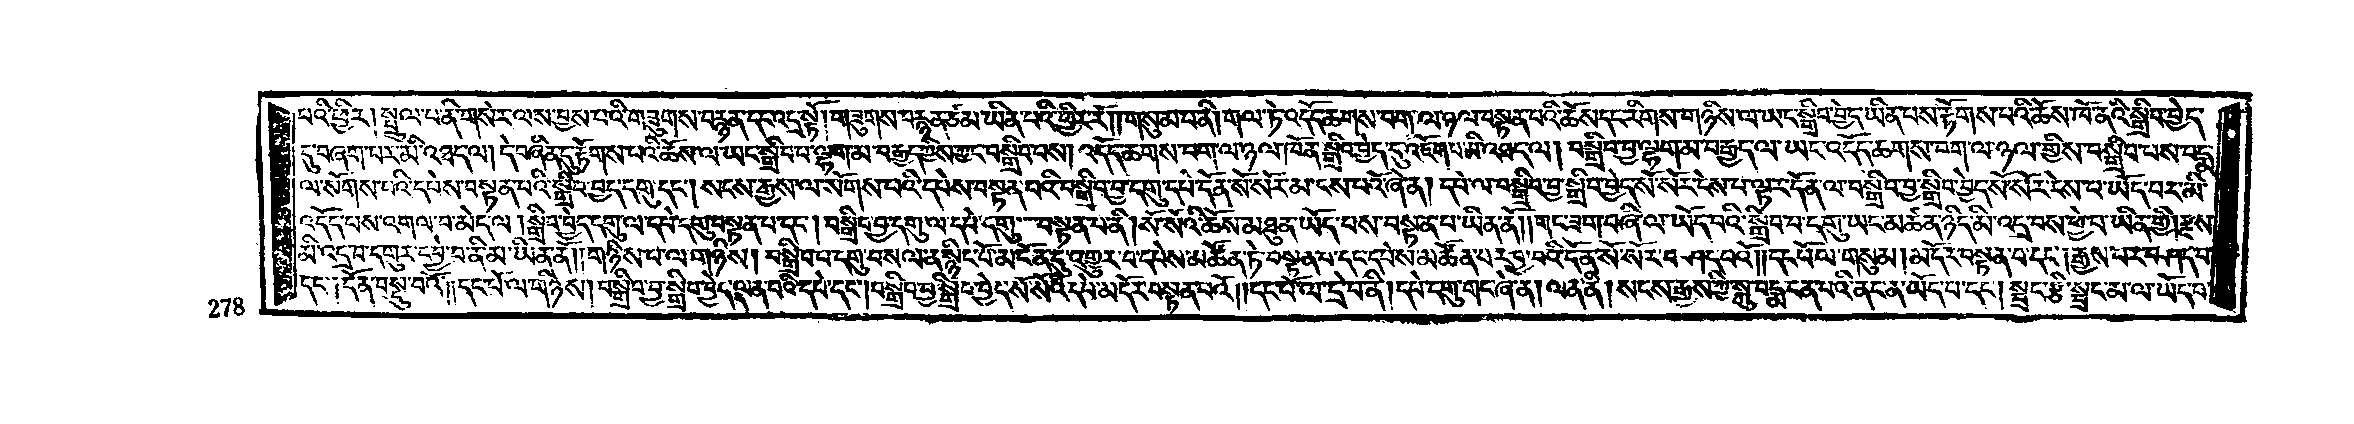པའི་ཕྱིར། སྤྲུལ་པ་ནི་གསེར་ལས་བྱས་པའི་གཟུགས་བརྙན་དང་འདྲ་སྟོ། གཟུགས་བརྙན་ཙམ་ཡིན་པའི་ཕྱིར་རོ། །གསུམ་པ་ནི། གལ་ཏེ་འདོད་ཆགས་བག་ལ་ཉལ་བསྟན་པའི་ཆོས་དང་རིགས་གཉིས་ལ་ཡང་སྒྲིབ་བྱེད་ཡིན་པས་རྟོགས་པའི་ཆོས་ཁོ་ནའི་སྒྲིབ་བྱེད་
དུ་བཞག་པར་མི་འཐད་ལ། དེ་བཞིན་དུ་རྟོགས་པའི་ཆོས་ལ་ཡང་སྒྲིབ་པ་ལྷག་མ་བརྒྱད་ཀྱིས་ཀྱང་བསྒྲིབ་པས། འདོད་ཆགས་བག་ལ་ཉལ་ཁོ་ན་སྒྲིབ་བྱེད་དུ་འཇོག་པ་མི་འཐད་ལ། བསྒྲིབ་བྱ་ལྷག་མ་བརྒྱད་ལ་ཡང་འདོད་ཆགས་བག་ལ་ཉལ་གྱིས་བསྒྲིབ་པས་པདམ་
ལ་སོགས་པའི་དཔེས་བསྟན་པའི་སྒྲིབ་བྱད་དགུ་དང་། སངས་རྒྱས་ལ་སོགས་པའི་དཔེས་བསྟན་པའི་བསྒྲིབ་བྱ་དགུ་དཔེ་དོན་སོ་སོར་མ་ངེས་པའོ་ཞེ་ན། དཔེ་ལ་བསྒྲིབ་བྱ་སྒྲིབ་བྱེད་སོ་སོར་ངེས་པ་ལྟར་དོན་ལ་བསྒྲིབ་བྱ་སྒྲིབ་བྱེད་སོ་སོར་ངེས་པ་ཡོད་པར་མི་
འདོད་པས་འགལ་བ་མེད་ལ། སྒྲིབ་བྱེད་དགུ་ལ་དཔེ་དགུ་བསྟན་པ་དང་། བསྒྲིབ་བྱ་དགུ་ལ་དཔེ་དགུ་བསྟན་པ་ནི། སོ་སོའི་ཆོས་མཐུན་ཡོད་པས་བསྟན་པ་ཡིན་ནོ། །གང་ཟག་བཞི་ལ་ཡོད་པའི་སྒྲིབ་པ་དགུ་ཡང་མཚན་ཉིད་མི་འདྲ་བས་ཕྱེ་བ་ཡིན་གྱི་།རྫས་
མི་འདྲ་བ་དགུར་དབྱེ་བ་ནི་མ་ཡིན་ནོ། །གཉིས་པ་ལ་གཉིས། བསྒྲིབ་པ་དགུ་བསལ་ན་སྙིང་པོ་མངོན་དུ་འགྱུར་བ་དཔེས་མཚོན་ཏེ་བསྟན་པ་དང་དཔེས་མཚོན་པར་བྱ་བའི་དོན་སོ་སོར་བཤད་པའོ། །དང་པོ་ལ་གསུམ། མདོར་བསྟན་པ་དང་། རྒྱས་པར་བཤད་པ་
དང༑ དོན་བསྡུ་བའོ། །དང་པོ་ལ་གཉིས། བསྒྲིབ་བྱ་སྒྲིབ་བྱེད་ལྡན་པའི་དཔེ་དང་། བསྒྲིབ་བྱ་སྒྲིབ་བྱེད་སོ་སོའི་དཔེ་མདོར་བསྟན་པའོ། །དང་པོ་ལ་དྲི་བ་ནི། དཔེ་དགུ་གང་ཞེ་ན། ལན་ནི། སངས་རྒྱས་ཀྱི་སྐུ་པདམ་ངན་པའི་ནང་ན་ཡོད་པ་དང་། སྦྲང་རྩི་སྦྲང་མ་ལ་ཡོད་པ་